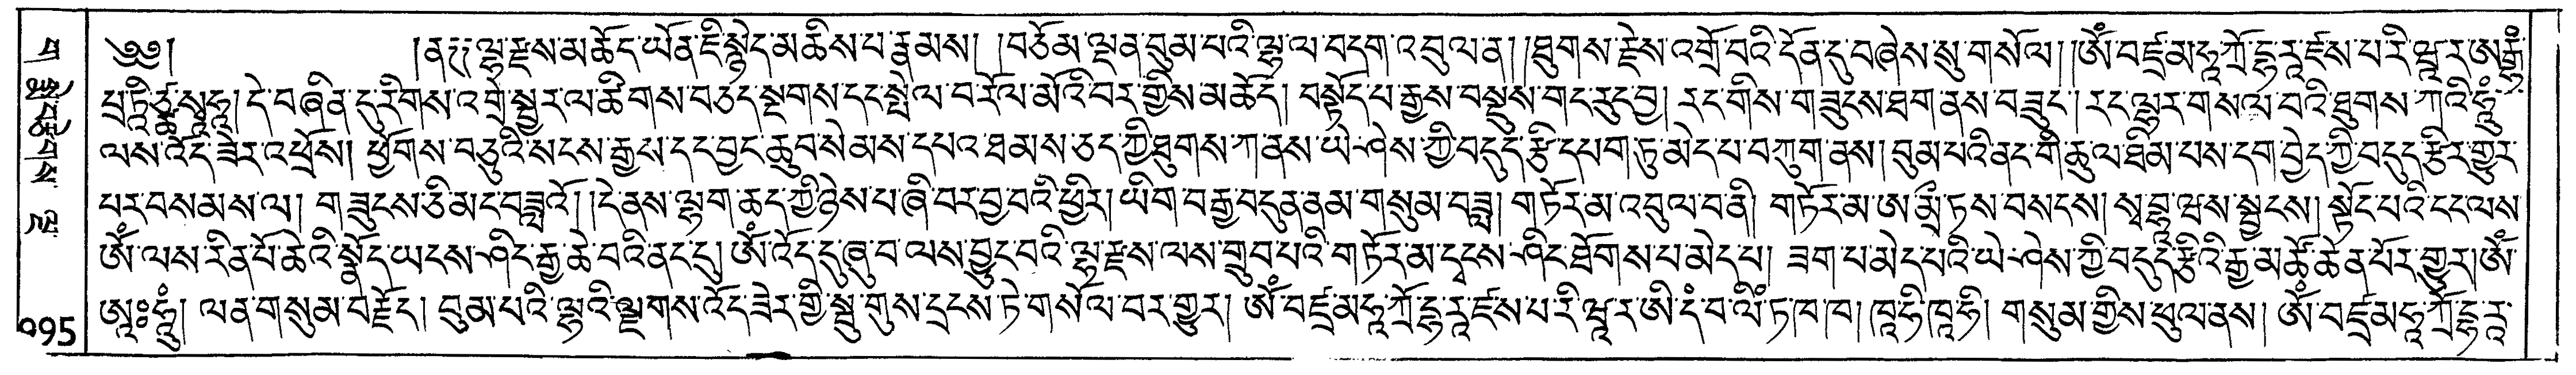༄༅། །ན༑ ༑ལྷ་རྫས་མཆོད་ཡོན་ཇི་སྙེད་མཆིས་པ་རྣམས། །བཅོམ་ལྡན་བུམ་པའི་ལྷ་ལ་བདག་འབུལ་ན། །ཐུགས་རྗེས་འགྲོ་བའི་དོན་དུ་བཞེས་སུ་གསོལ། །ཨོཾ་བཛྲ་མཧཱ་ཀྲོ་དྷ་རཱ་ཛ་ས་པ་རི་ཝཱ་ར་ཨརྒྷཾ་
པྲ་ཏཱི་ཙྪ་སྭཱཧཱ། དེ་བཞིན་དུ་རིགས་འགྲེ་སྦྱར་ལ་ཚིགས་བཅད་སྔགས་དང་སྤེལ་བ་རོལ་མོའི་བར་གྱིས་མཆོད། བསྟོད་པ་རྒྱས་བསྡུས་གང་རུང་བྱ། རང་གིས་གཟུངས་ཐག་ནས་བཟུང་། རང་ལྷར་གསལ་བའི་ཐུགས་ཀའི་ཧཱུཾ་
ལས་འོད་ཟེར་འཕྲོས། ཕྱོགས་བཅུའི་སངས་རྒྱས་དང་བྱང་ཆུབ་སེམས་དཔའ་ཐམས་ཅད་ཀྱི་ཐུགས་ཀ་ནས་ཡེ་ཤེས་ཀྱི་བདུད་རྩི་དཔག་ཏུ་མེད་པ་བཀུག་ནས། བུམ་པའི་ནང་གི་ཆུ་ལ་ཐིམ་པས་དག་བྱེད་ཀྱི་བདུད་རྩིར་གྱུར་
པར་བསམས་ལ། གཟུངས་ཅི་མང་བཟླའོ། །དེ་ནས་ལྷག་ཆད་ཀྱི་ཉེས་པ་ཞི་བར་བྱ་བའི་ཕྱིར། ཡིག་བརྒྱ་བདུན་ནམ་གསུམ་བཟླ། གཏོར་མ་འབུལ་བ་ནི། གཏོར་མ་ཨ་མྲྀ་ཏས་བསངས། སྭ་བྷཱ་ཝས་སྦྱངས། སྟོང་པའི་ངང་ལས་
ཨོཾ་ལས་རིན་པོ་ཆེའི་སྣོད་ཡངས་ཤིང་རྒྱ་ཆེ་བའི་ནང་དུ། ཨོཾ་འོད་དུ་ཞུ་བ་ལས་བྱུང་བའི་ལྷ་རྫས་ལས་གྲུབ་པའི་གཏོར་མ་དྭངས་ཤིང་ཐོགས་པ་མེད་པ། ཟག་པ་མེད་པའི་ཡེ་ཤེས་ཀྱི་བདུད་རྩིའི་རྒྱ་མཚོ་ཆེན་པོར་གྱུར། ཨོཾ་
ཨཱཿ ཧཱུཾ། ལན་གསུམ་བརྗོད། བུམ་པའི་ལྷའི་ལྗགས་འོད་ཟེར་གྱི་སྦུ་གུས་དྲངས་ཏེ་གསོལ་བར་གྱུར། ཨོཾ་བཛྲ་མཧཱ་ཀྲོ་དྷ་རཱ་ཛ་ས་པ་རི་ཝཱ་ར་ཨི་དཾ་བ་ལིཾ་ཏ་ཁ་ཁ། ཁཱ་ཧི་ཁཱ་ཧི། གསུམ་གྱིས་ཕུལ་ནས། ཨོཾ་བཛྲ་མཧཱ་ཀྲོ་དྷ་རཱ་